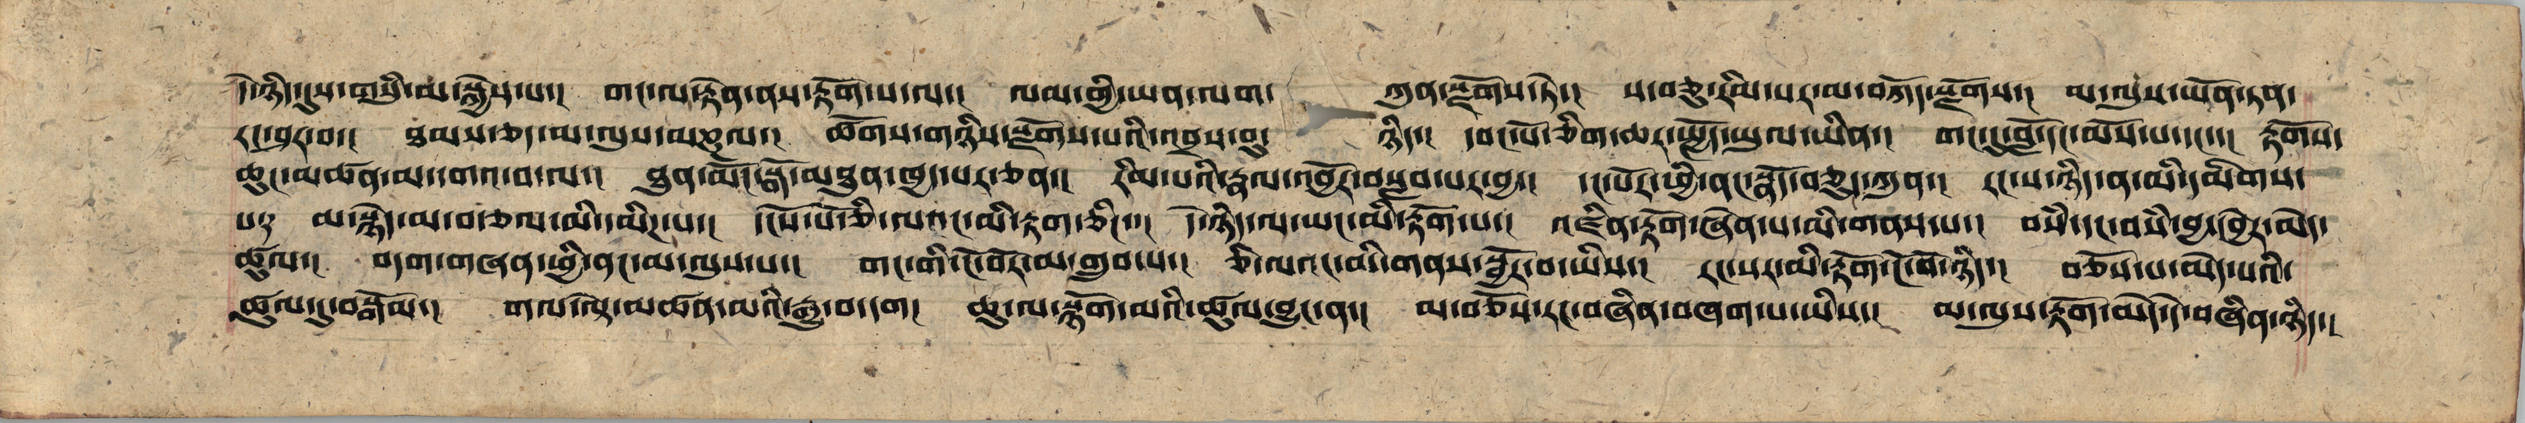དེ་ཉིད་དུས་གསུཾ་མ་སྐྱེས་པ་། གང་ལ་རྟེན་ནས་རྟོག་པ་ལ་། ལམ་གྱི་ཡན་ལག་ ཀུན་སྫོགས་ཏེ་། ས་བཅུ་རིམ་པར་མ་བཀོད་སྫོགས་། མ་ལུས་ཡོན་ཏན་
རང་ཤར་བ་། ཐམས་ཅད་མ་ལུས་མཎྜལ་། ཚོགས་གཉིས་སྫོགས་པའི་འབྲས་བུ་ ཉིད་། དབང་པོ་ཅིག་ཆར་སྤྱོད་ཡུལ་ཡིན་། གང་དུ་བློ་དང་མོས་པ་དང་་། རྟོགས་
ཆུང་མཚན་མ་དགའ་བ་ལ་། ཐུན་མོང་སྒོ་མཐུན་ཁྱད་པར་ཅན་། རིམ་པའི་རྣལ་འབྱོར་བསླབ་པར་བྱ་། དང་པོར་ཕྱི་ནང་སྣོད་བཅུད་ཀུན་། རང་ས་ཉིད་ན་མི་དམིགས་
པ༑ མ་སྙེད་མ་བརྩལ་མི་དམིཌ་པ་། དངོས་པོ་ཅི་ལའང་མི་རྟག་ཅིང་་། དེ་ཉིད་ལ་ཡང་མི་རྟོག་པ་། འཛིན་རྟོག་ཞེན་པ་མི་གནས་པ་། བསཾ་དང་བསཾ་བྱ་དབྱེར་མེད་
ཚུལ་། བདག་གཞན་ཕྱི་ནང་མ་ལུས་པ་། གང་གི་ངོ་བོར་མ་གྲུབ་པ་། ཅི་ལའང་མི་གནས་སྦྱོར་བ་ཡིས་། རང་སར་མི་རྟོག་ངོ་བོ་ཉིད་། བཅོས་པ་མེད་པའི་
ཚུལ་དུ་བསྒོམ་། གལ་ལྟེ་མཚན་མའི་རྒྱུ་བ་དག། ཆུ་ལ་སྙོག་མའི་ཚུལ་བྱུང་ན་། མ་བཅོས་རང་བཞིན་བཞག་པ་ཡིས་། མ་ལུས་རྟོག་མེད་དེ་བཞིན་ཉིད་།